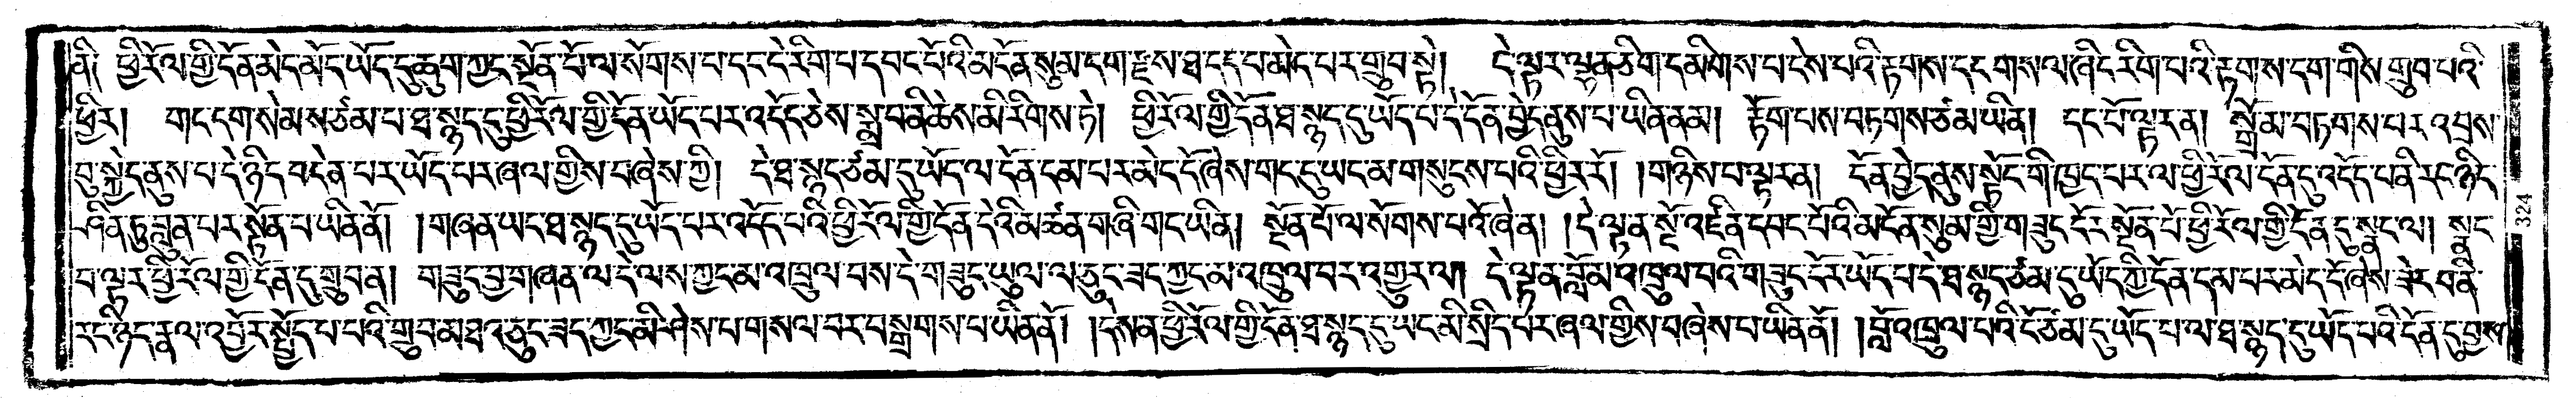ནི། ཕྱི་རོལ་གྱི་དོན་མེད་མོད་ཡོད་དུ་ཆུག་ཀྱང་སྔོན་པོ་ལ་སོགས་པ་དང་དེ་རིག་པ་དབང་པོའི་མངོན་སུམ་དག་རྫས་ཐ་དད་པ་མེད་པར་གྲུབ་སྟེ། དེ་ལྟར་ལྷན་ཅིག་དམིགས་པ་ངེས་པའི་རྟགས་དང་གསལ་ཞིང་རིག་པའི་རྟགས་དག་གིས་གྲུབ་པའི་
ཕྱིར། གང་དག་སེམས་ཙམ་པ་ཐ་སྙད་དུ་ཕྱི་རོལ་གྱི་དོན་ཡོད་པར་འདོད་ཅེས་སྨྲ་བ་ནི་ཆེས་མི་རིགས་ཏེ། ཕྱི་རོལ་གྱི་དོན་ཐ་སྙད་དུ་ཡོད་པ་དེ་དོན་བྱེད་ནུས་པ་ཡིན་ནམ། རྟོག་པས་བཏགས་ཙམ་ཡིན། དང་པོ་ལྟར་ན། སྒྲོ་མ་བཏགས་པར་འབྲས་
བུ་སྐྱེད་ནུས་པ་དེ་ཉིད་བདེན་པར་ཡོད་པར་ཞལ་གྱིས་བཞེས་ཀྱི། དེ་ཐ་སྙད་ཙམ་དུ་ཡོད་ལ་དོན་དམ་པར་མེད་དོ་ཞེས་གང་དུ་ཡང་མ་གསུངས་པའི་ཕྱིར་རོ། །གཉིས་པ་ལྟར་ན། དོན་བྱེད་ནུས་སྟོང་གི་ཁྱད་པར་ལ་ཕྱི་རོལ་དོན་དུ་འདོད་པ་ནི་རང་ཉིད་
ཤིན་ཏུ་བླུན་པར་སྟོན་པ་ཡིན་ནོ། །གཞན་ཡང་ཐ་སྙད་དུ་ཡོད་པར་འདོད་པའི་ཕྱི་རོལ་གྱི་དོན་དེའི་མཚན་གཞི་གང་ཡིན། སྔོན་པོ་ལ་སོགས་པའོ་ཞེ་ན། །དེ་ལྟ་ན་སྔོ་འཛིན་དབང་པོའི་མངོན་སུམ་གྱི་གཟུང་ངོར་སྔོན་པོ་ཕྱི་རོལ་གྱི་དོན་དུ་སྣང་ལ། སྣང་
བ་ལྟར་ཕྱི་རོལ་གྱི་དོན་དུ་གྲུབ་ན། གཟུང་བྱ་གཞན་ལ་དེ་ལས་ཀྱང་མ་འཁྲུལ་བས་དེ་གཟུང་ཡུལ་ལ་ཅུང་ཟད་ཀྱང་མ་འཁྲུལ་བར་འགྱུར་ལ། དེ་ལྟ་ན་བློ་མ་འཁྲུལ་བའི་གཟུང་ངོར་ཡོད་པ་དེ་ཐ་སྙད་ཙམ་དུ་ཡོད་ཀྱི་དོན་དམ་པར་མེད་དོ་ཞེས་ཟེར་བ་ནི་
རང་ཉིད་རྣལ་འབྱོར་སྤྱོད་པ་པའི་གྲུབ་མཐའ་ཅུང་ཟད་ཀྱང་མི་ཤེས་པ་གསལ་བར་བསྒྲགས་པ་ཡིན་ནོ། །དེས་ན་ཕྱི་རོལ་གྱི་དོན་ཐ་སྙད་དུ་ཡང་མི་སྲིད་པར་ཞལ་གྱིས་བཞེས་པ་ཡིན་ནོ། །བློ་འཁྲུལ་པའི་ངོ་ཙམ་དུ་ཡོད་པ་ལ་ཐ་སྙད་དུ་ཡོད་པའི་དོན་དུ་བྱས་